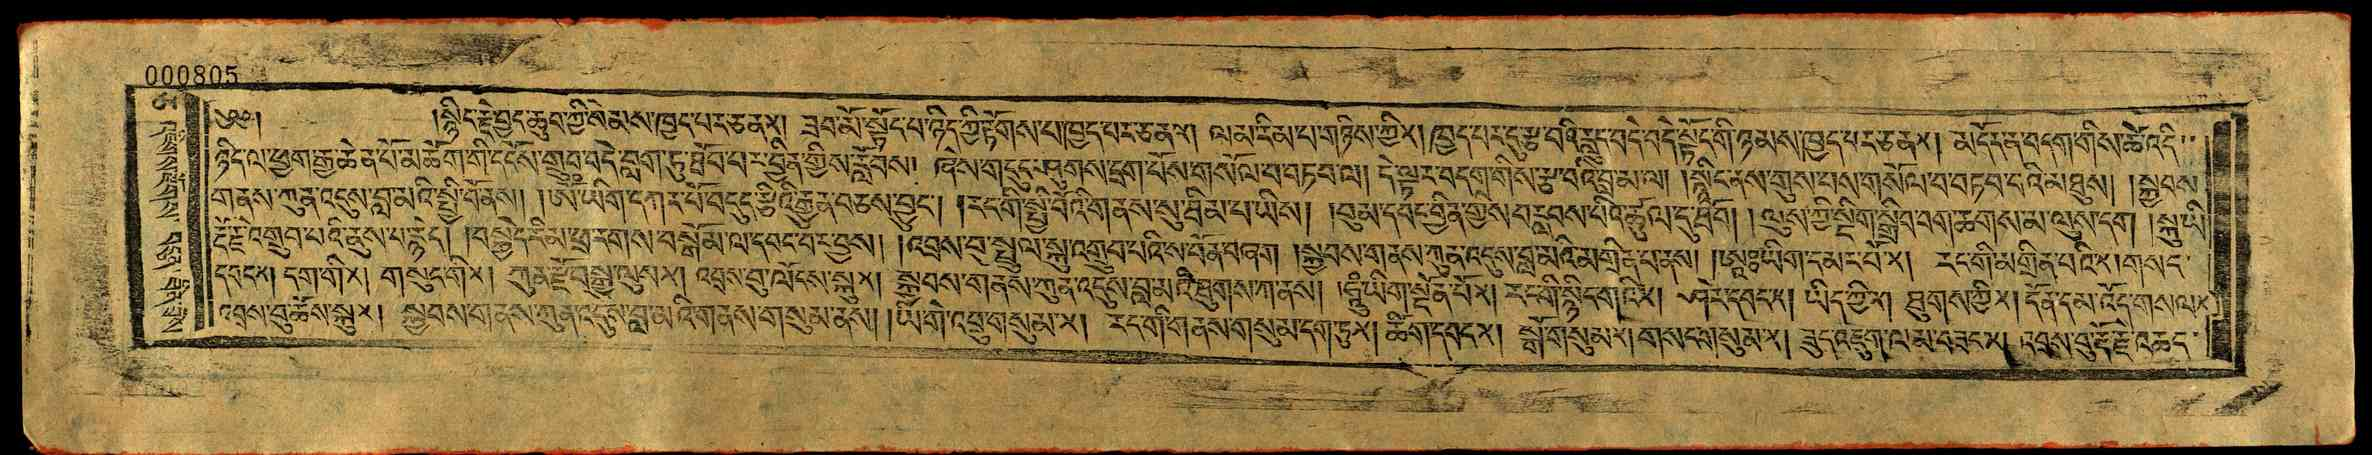༄༅། །སྙིང་རྗེ་བྱང་ཆུབ་ཀྱི་སེམས་ཁྱད་པར་ཅན་྾། ཟབ་མོ་སྟོང་པ་ཉིད་ཀྱི་རྟོགས་པ་ཁྱད་པར་ཅན་྾། ལམ་རིམ་པ་གཉིས་ཀྱི་྾། ཁྱད་པར་དུ་རྩ་བདེ་རླུང་བདེ་བདེ་སྟོང་གི་ཉམས་ཁྱད་པར་ཅན་྾། མདོར་ན་བདག་གིས་ཚེ་འདི་
ཉིད་ལ་ཕྱག་རྒྱ་ཆེན་པོ་མཆོག་གི་དངོས་གྲུབ་བདེ་བླག་ཏུ་ཐོབ་པར་བྱིན་གྱིས་རློབས། ཞེས་གདུང་ཤུགས་དྲག་པོས་གསོལ་བ་བཏབ་ལ། དེ་ལྟར་བདག་གིས་རྩ་བའི་བླ་མ་ལ། །སྙིང་ནས་གུས་པས་གསོལ་བ་བཏབ་པའི་མཐུས། །སྐྱབས་
གནས་ཀུན་འདུས་བླ་མའི་སྤྱི་བོ་ནས། །ཨོཾ་ཡིག་དཀར་པོ་བདུད་རྩིའི་རྒྱུན་བཅས་བྱུང་། །རང་གི་སྤྱི་བོའི་གནས་སུ་ཐིམ་པ་ཡིས། །བུམ་དབང་བྱིན་གྱིས་བརླབས་པའི་ཚུལ་དུ་ཐོབ། །ལུས་ཀྱི་སྡིག་སྒྲིབ་བག་ཆགས་མ་ལུས་དག །སྐུ་ཡི་
རྡོ་རྗེ་འགྲུབ་པའི་ནུས་པ་རྙེད། །བསྐྱེད་རིམ་ཕྲ་རགས་བསྒོམ་ལ་དབང་པར་བྱས། །འབྲས་བུ་སྤྲུ་ལ་སྐུ་འགྲུབ་པའི་ས་བོན་བཞག །སྐྱབས་གནས་ཀུན་འདུས་བླ་མའི་མགྲིན་པ་ནས། །ཨཱཿ ཡིག་དམར་པོ་྾། རང་གི་མགྲིན་པའི་྾། གསང་
དབང་྾། ངག་གི་྾། གསུང་གི་྾། ཀུན་རྫོབ་སྒྱུ་ལུས་྾། འབྲས་བུ་ལོངས་སྐུ་྾། སྐྱབས་གནས་ཀུན་འདུས་བླ་མའི་ཐུགས་ཀ་ནས། །ཧཱུཾ་ཡིག་སྔོན་པོ་྾། རང་གི་སྙིང་གའི་྾། ཤེར་དབང་྾། ཡིད་ཀྱི་྾། ཐུགས་ཀྱི་྾། དོན་དམ་འོད་གསལ་྾་
འབྲས་བུ་ཆོས་སྐུ་྾། སྐྱབས་གནས་ཀུན་འདུས་བླ་མའི་གནས་གསུམ་ནས། །ཡི་གེ་འབྲུ་གསུམ་྾། རང་གི་གནས་གསུམ་དག་ཏུ་྾། ཚིག་དབང་྾། སྒོ་གསུམ་྾། གསང་གསུམ་྾། ཟུང་འཇུག་ལམ་བཟང་྾། འབྲས་བུ་རྡོ་རྗེ་འཆང་